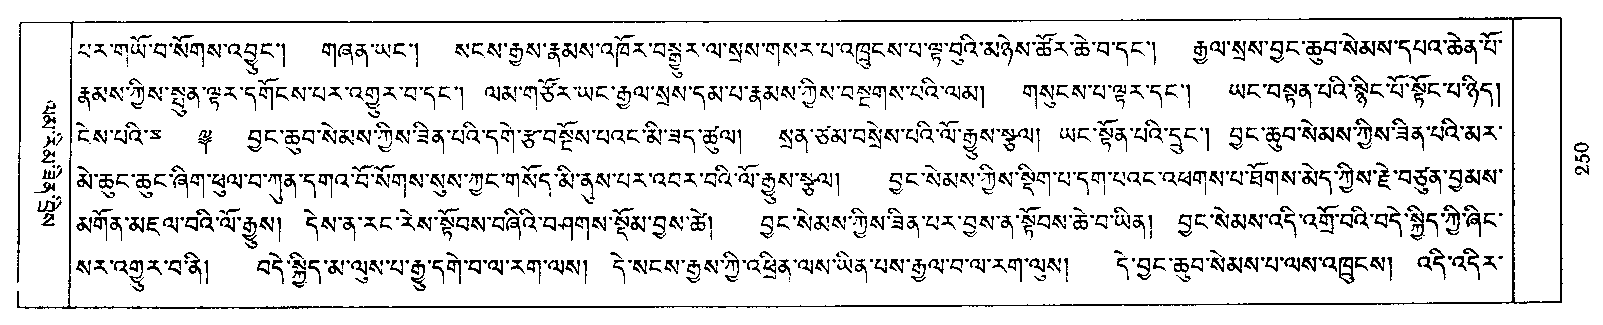པར་གཡོ་བ་སོགས་འབྱུང་། གཞན་ཡང་། སངས་རྒྱས་རྣམས་འཁོར་བསྒྱུར་ལ་སྲས་གསར་པ་འཁྲུངས་པ་ལྟ་བུའི་མཉེས་ཚོར་ཆེ་བ་དང་། རྒྱལ་སྲས་བྱང་ཆུབ་སེམས་དཔའ་ཆེན་པོ་
རྣམས་ཀྱིས་སྤུན་ལྟར་དགོངས་པར་འགྱུར་བ་དང་། ལམ་གཙོར་ཡང་རྒྱལ་སྲས་དམ་པ་རྣམས་ཀྱིས་བསྔགས་པའི་ལམ། གསུངས་པ་ལྟར་དང་། ཡང་བསྟན་པའི་སྙིང་པོ་སྟོང་པ་ཉིད།
ངེས་པའི་྾་༈ བྱང་ཆུབ་སེམས་ཀྱིས་ཟིན་པའི་དགེ་རྩ་བསྔོས་པའང་མི་ཟད་ཚུལ། སྲན་ཙམ་བསྲེས་པའི་ལོ་རྒྱུས་སྩལ། ཡང་སྟོན་པའི་དྲུང་། བྱང་ཆུབ་སེམས་ཀྱིས་ཟིན་པའི་མར་
མེ་ཆུང་ཆུང་ཞིག་ཕུལ་བ་ཀུན་དགའ་བོ་སོགས་སུས་ཀྱང་གསོད་མི་ནུས་པར་འབར་བའི་ལོ་རྒྱུས་སྩལ། བྱང་སེམས་ཀྱིས་སྡིག་པ་དག་པའང་འཕགས་པ་ཐོགས་མེད་ཀྱིས་རྗེ་བཙུན་བྱམས་
མགོན་མཇལ་བའི་ལོ་རྒྱུས། དེས་ན་རང་རེས་སྟོབས་བཞིའི་བཤགས་སྡོམ་བྱས་ཚེ། བྱང་སེམས་ཀྱིས་ཟིན་པར་བྱས་ན་སྟོབས་ཆེ་བ་ཡིན། བྱང་སེམས་འདི་འགྲོ་བའི་བདེ་སྐྱིད་ཀྱི་ཞིང་
སར་འགྱུར་བ་ནི། བདེ་སྐྱིད་མ་ལུས་པ་རྒྱུ་དགེ་བ་ལ་རག་ལས། དེ་སངས་རྒྱས་ཀྱི་འཕྲིན་ལས་ཡིན་པས་རྒྱལ་བ་ལ་རག་ལུས། དེ་བྱང་ཆུབ་སེམས་པ་ལས་འཁྲུངས། འདི་འདིར་